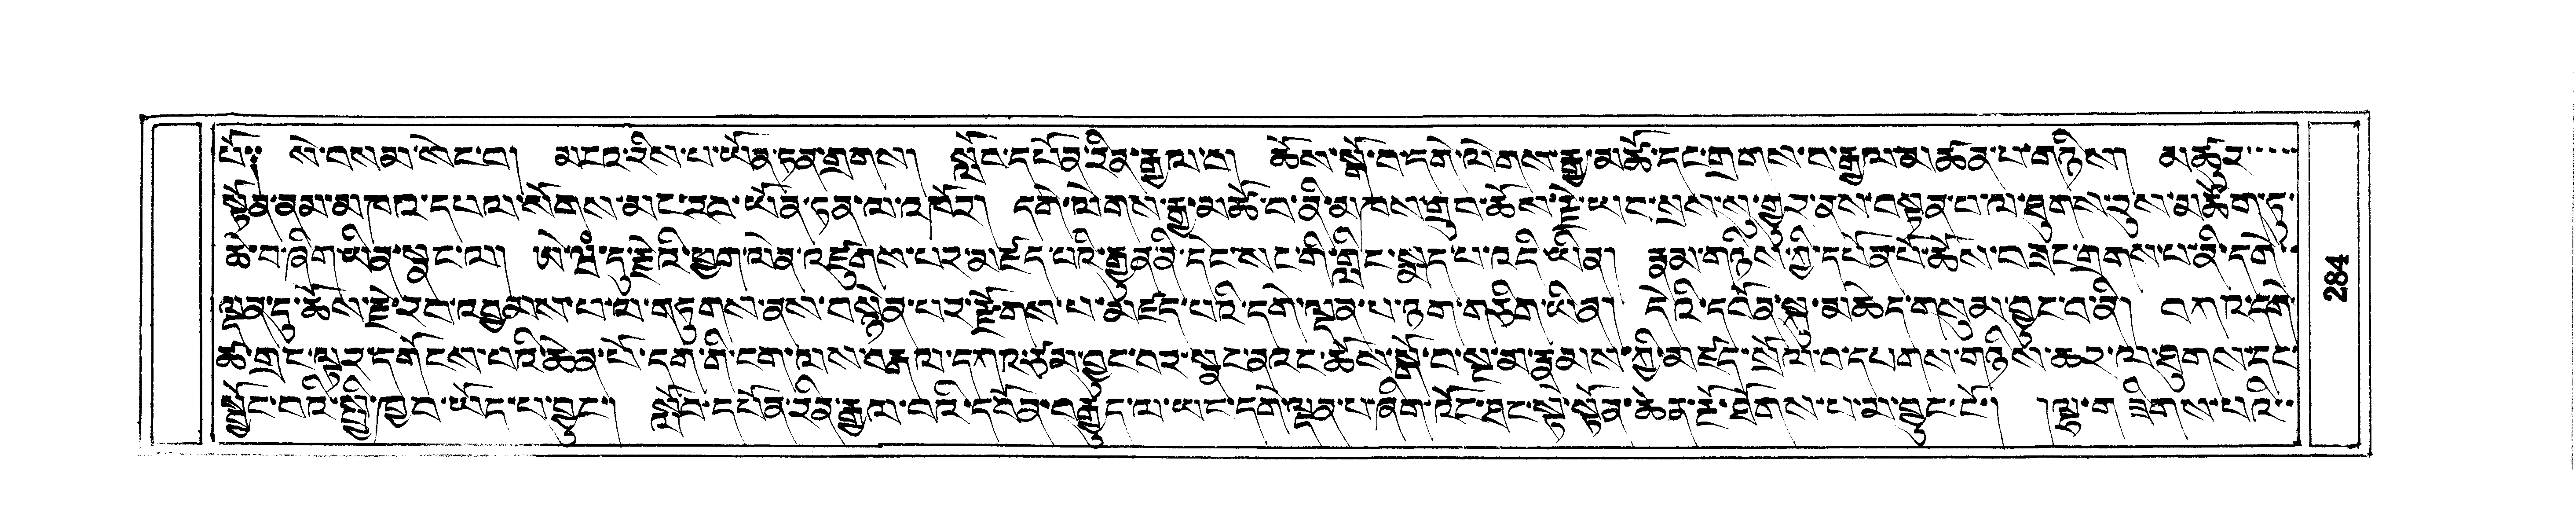པོ༑ སེ་བསམ་སེང་བ། མངའ་རིས་པ་ཡོན་ཏན་གྲགས། སློབ་དཔོན་རིན་རྒྱལ་བ། ཆོས་སྒོ་བ་དགེ་ལེགས་རྒྱ་མཚོ་དང་གྲགས་བ་རྒྱལ་མཚན་པ་གཉིས། མཚུར་
སྟོན་ནམ་མཁའ་དཔལ་སོགས་མང་རབ་ཡོན་ཏན་ལ་འཁོར། དགེ་ལེགས་རྒྱ་མཚོ་བ་ནི་མཁས་གྲུབ་ཆོས་རྗེ་ཡང་སྲས་སུ་གྱུར་ནས་བསྟན་པ་ལ་ཐུགས་རུས་མཆོག་ཏུ་
ཆེ་བ་ཞིག་ཡིན་སྣང་ལ། ཨེ་ཝཾ་དུ་རྗེའི་ཕྱག་ལེན་འཛུགས་པར་མཛད་པའི་རྒྱུན་ནི་དེང་སང་གི་གླིང་སྨད་པ་འདི་ཡིན། རྣམ་གཉིས་ཀྱི་དཔོན་པོ་ཆོས་བཟང་གྲགས་པ་ནི་དགེ་
ལྡན་དུ་ཆོས་རྗེ་རབ་འབྱམས་པ་ལ་གཏུགས་ནས་བསྙེན་པར་རྫོགས་པར་མཛད་པའི་དགེ་ལྡན་པ་ཉག་གཅིག་ཡིན། དེའི་དབོན་སྐུ་མཆེད་གསུམ་བྱུང་བ་ནི། བཀའ་དགེ་
ཚ་གྲང་ལྟར་དགོངས་པའི་ཆེན་པོ་དག་གི་ངག་ལས་བརྒལ་དཀའ་ཙམ་བྱུང་བར་སྣང་ནའང་ཆོས་སྒོ་བ་སྔ་མ་རྣམས་ཀྱི་མཛད་སྲོལ་བ་དཔགས་གཉིས་ཆར་ལ་ཐུགས་དང་
སྦྱོང་བའི་སྤྱི་ཁྱབ་ཡོད་པ་བྱུང་། སློབ་དཔོན་རིན་རྒྱལ་བའི་དབོན་བརྒྱུད་ལ་ཡང་དགེ་ལྡན་པ་ཞིག་འོང་ཐང་སྟེ་སྟོན་ཆེན་རྔོ་ཐོགས་པ་མ་བྱུང་ངོ། །ལྷ་གཟིགས་པའི་